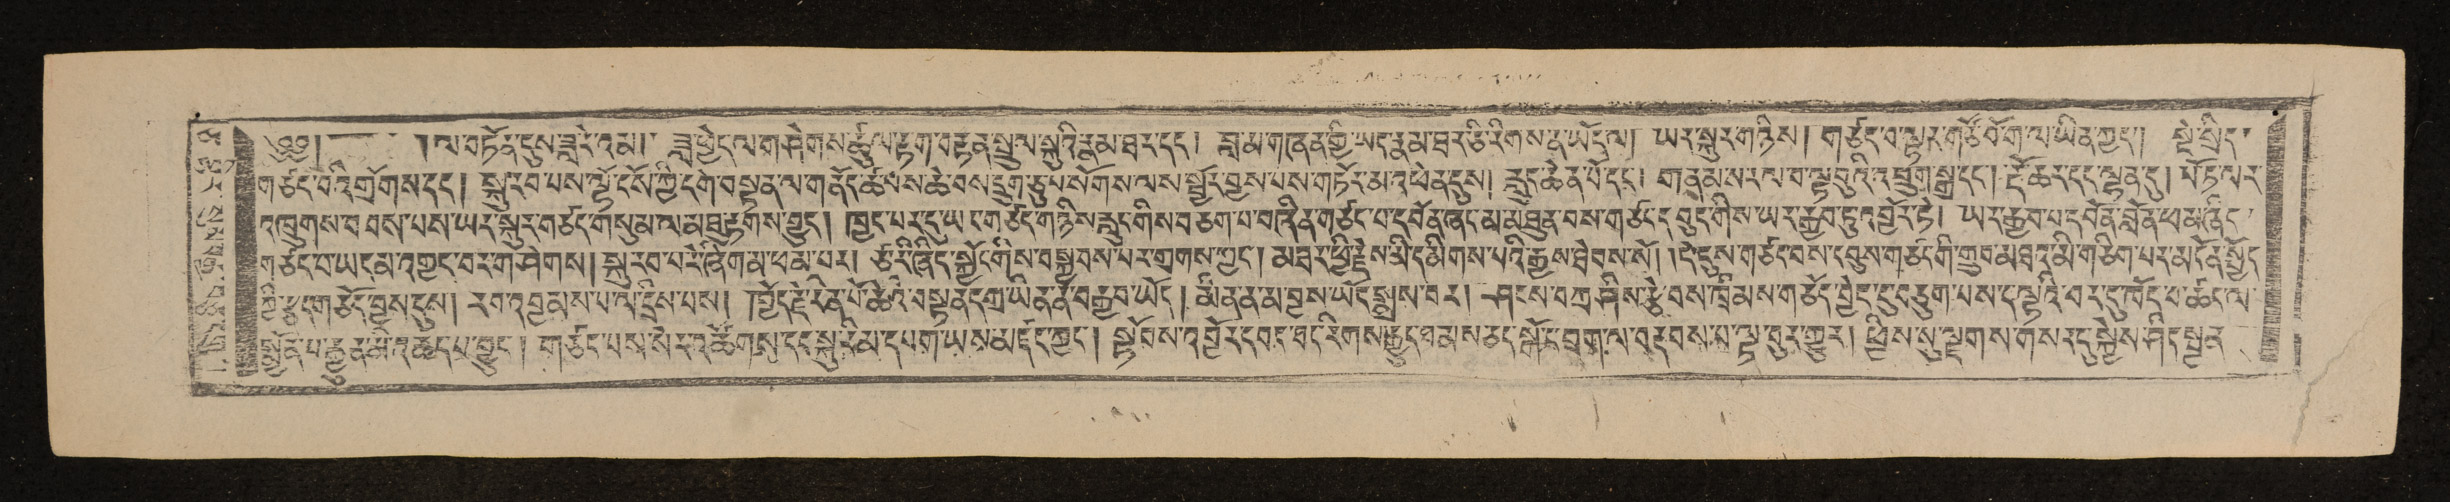༄༅། །ལ་བཏོན་དུས་ཟླ་རེ་འམ། ཟླ་ཕྱེད་ལ་གཤེགས་ཚུལ་རྟག་བརྟན་སྤྲུལ་སྐུའི་རྣམ་ཐར་དང་། བླ་མ་གཞན་གྱི་ཡང་རྣམ་ཐར་ཅི་རིགས་ན་ཡོད་ལ། ཡར་སྐུར་གཉིས། གཙང་པ་ལྟར་གཙོ་བོ་ག་ལ་ཡིན་ཀྱང་། སྡེ་སྲིད་
གཙང་པའི་གྲོགས་དང་། སྐུ་རབ་པས་ལྷོ་ངོས་ཀྱི་དགེ་བསྟན་ལ་གནོད་ཚབས་ཆེ་བས་དྲུག་ཅུ་པ་སོགས་ལས་སྤྱོར་བྱས་པས་གཏོར་མ་འཕེན་དུས། རླུང་ཆེན་པོ་དང་། གནམ་ས་རལ་བ་ལྟ་བུའི་འབྲུག་སྒྲ་དང་། རྡོ་ཆར་དང་ལྷན་དུ། པོ་ཏ་ལར་
འཁྲུགས་བབས་པས་ཡར་སྐུར་གཙང་གསུམ་ལ་མཐུ་རྟགས་བྱུང་། ཁྱད་པར་དུ་ཡར་གཙང་གཉིས་རླུང་གིས་བཅག་པ་བཞིན་གཙང་པ་དཔོན་ཞང་མ་མཐུན་པས་གཙང་དཔུང་གིས་ཡར་རྒྱབ་ཏུ་འབྱོར་ཏེ། ཡར་རྒྱབ་པ་དཔོན་བློན་ཕམ་ཞིང་
གཙང་པ་ཡང་མ་འགྱང་བར་གཤེགས། སྐུ་རབ་པ་རེ་ཞིག་མ་ཕམ་པར། ཙ་རི་ཞིང་སྐྱོང་གིས་བསྐྱབས་པར་གྲགས་ཀྱང་། མཐར་ཕྱི་རྗེས་མི་དམིགས་པའི་རྒྱས་ཐེབས་སོ། །དེ་དུས་གཙང་བས་དབུས་གཙང་གི་གྲུབ་མཐའ་མི་གཅིག་པར་མངོན་སྤྱོད་
ཀྱི་རྩད་གཅོད་བྱས་དུས། རབ་འབྱམས་པ་ལ་དྲིས་པས། ཁྱོད་རྗེ་རིན་པོ་ཆེའི་བསྟན་དགྲ་ཡིན་ན་བརྒྱབ་ཡོད། མིན་ན་མ་བྱས་ཡོད་སྨྲས་པར། ཤངས་བཀྲ་ཤིས་རྩེ་བས་ཁྲིམས་གཅོད་བྱེད་དུ་བཅུག་པས་ད་ལྟའི་བར་དུ་ཁོང་བ་ཚང་ལ་
སྨྱོན་པ་རྒྱུན་མི་འཆད་པ་བྱུང་། གཙང་བས་སེར་འཚོགས་དང་སྐུ་རིམ་དཔག་ཡས་མཛད་ཀྱང་། སྟོབས་འབྱོར་དབང་ཐང་རིགས་རྒྱུད་ཐམས་ཅད་སྒོ་ང་བྲག་ལ་བརྡབས་པ་ལྟ་བུར་གྱུར། ཕྱིས་སུ་ལྗགས་གསར་དུ་སྐྱེས་ཤིང་སྤྱན་